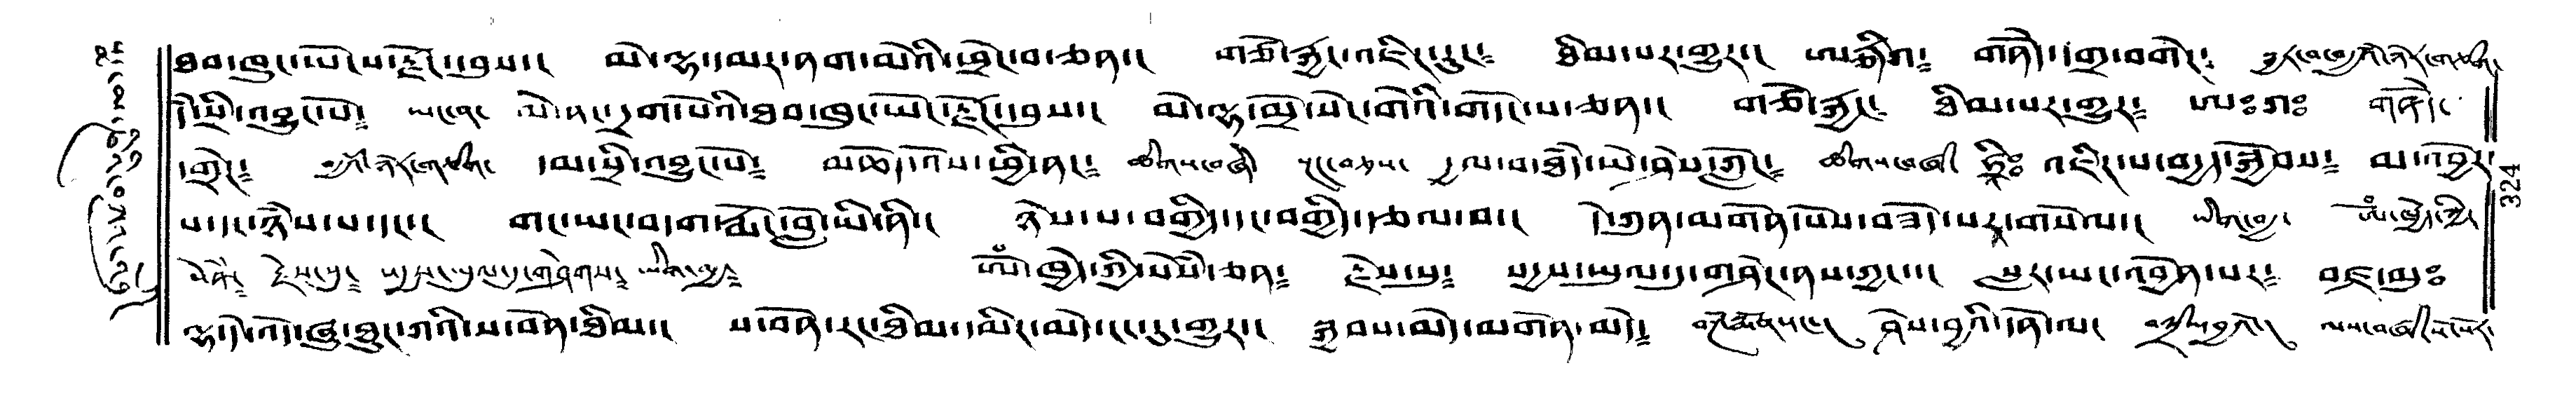ཐབ་ཁུང་ཡོངས་རྫོགས་དབུས། །མེ་ལྷ་དམར་ནག་མེ་ཡི་ཕྲེང་བ་ཅན། །གཙོ་རྐྱང་འཇིགས་རུང༴ ཐིམ་པར་གྱུར། །ཨརྩིག༴ གནོད་བྱེད་དགྲ་བགེགས༴ སྦྱར་བ་བརྒྱའམ་ཉེར་གཅིག 
དམ་སྲི་འབྱུང་པོ༴ ཡང་ན། མེ་ནང་དྲག་པོའི་ཐབ་ཁུང་ཡོངས་རྫོགས་དབུས། །མེ་ལྷ་མཁའ་འགྲོ་སེང་གེའི་གདོང་པ་ཅན། །གཙོ་རྐྱང༴ ཐིམ་པར་གྱུར། ཨཿཀཿ གནོད་བྱེད་
དགྲ་བགེགས༴ བརྒྱའམ་ཉེར་གཅིག དམ་སྲི་འབྱུང་པོ༴ མཆོད་འོས་ཕྱི་ནང༴ ཚིག་བཞི་སྔགས་བཅས། རྒྱལ་བ་ཐམས་ཅད་ཡེ་ཤེས་ཀློང༴ ཚིག་བཞི། ཧྲཱི༔ འཇིགས་པ་བརྒྱད་སྐྱོབ༴ མ་འབྱོར་
པ་དང་ཉམས་པ་དང་། །གང་ཡང་བདག་རྨོངས་བློ་ཡིས་ནི། །ཉེས་པ་བགྱིད་དང་བགྱིད་བསྩལ་བ། །དེ་ཀུན་མགོན་པོས་བཟོད་པར་གསོལ། །ཡིག་བརྒྱ། ཨོཾ། ཁྱེད་ཀྱིས་
སེམས་ཅན༴ རྗེས་སུ༴ སངས་རྒྱས་ཡུལ་དུ་གཤེགས། ཡིག་བརྒྱ། ཨོཾ། ཁྱེད་ཀྱིས་སེམས་ཅན༴ རྗེས་སུ༴ སངས་རྒྱས་ཡུལ་དུ་གཤེགས་ནས་ཀྱང་། །སླར་ཡང་འབྱོན་པར༴ བཛྲ་མུཿ 
ལྷ་དེ་འོད་ཞུ་ཐུགས་ཀའི་ས་བོན་ཐིམ། །ས་བོན་རང་ཐིམ་དམིགས་མེད་ངང་དུ་གྱུར། །སྐྱབས་མེད་མགོན་མེད༴བསྔོ་སྨོན་དང་། ཤེས་བྱའི་དོན་ལ༴ བཀྲ་ཤིས་བྱའོ། །ལས་བཞི་སོ་སོར་